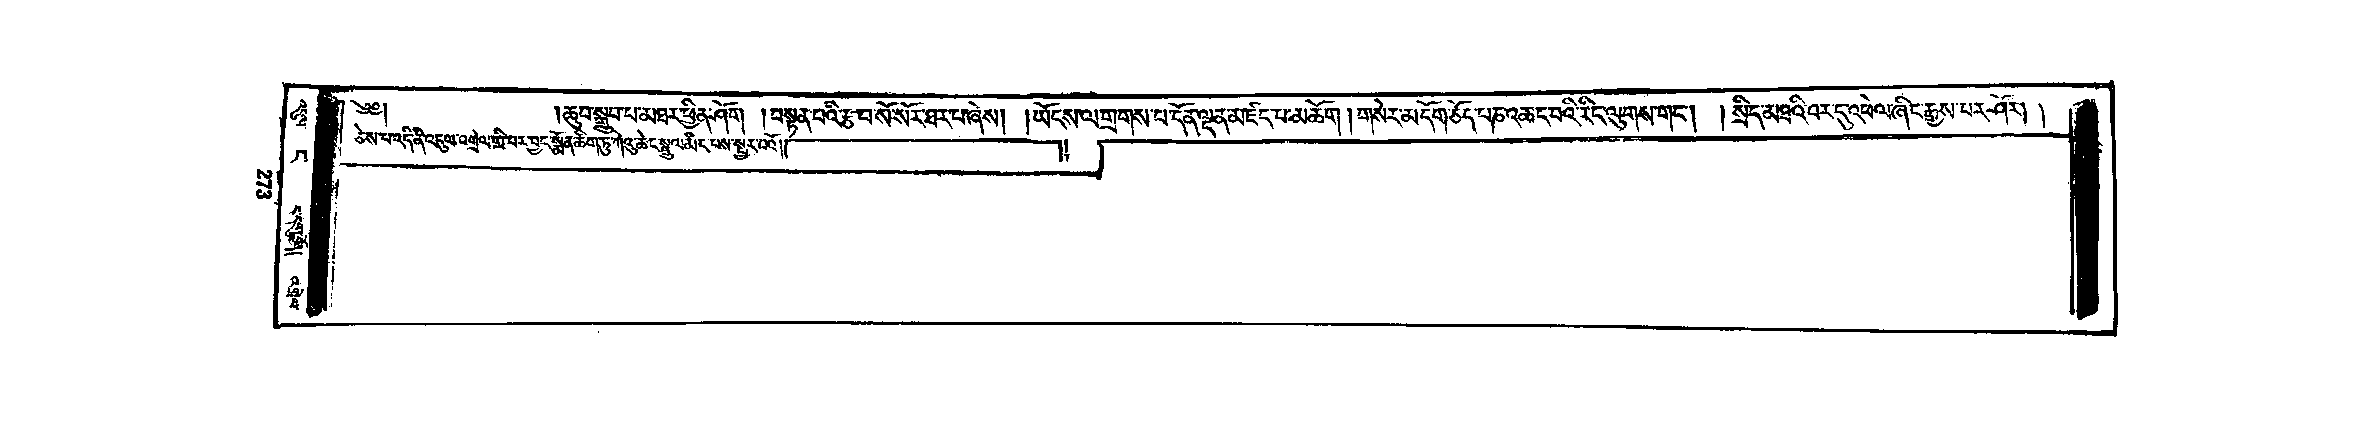༄༅། །ཆུབ་སྒྲུབ་པ་མཐར་ཕྱིན་ཤོག །བསྟན་པའི་རྩ་བ་སོ་སོར་ཐར་པ་ཞེས། །ཡོངས་ལ་གྲགས་པ་དོན་ལྡན་མཛད་པ་མཆོག །གསེར་མདོག་ཅོད་པཎ་འཆད་བའི་རིང་ལུགས་གང་། །སྲིད་མཐའི་བར་དུ་འཕེལ་ཞིང་རྒྱས་པར་ཤོག །
ཅེས་པ་འདི་ནི་འདུལ་འགྲེལ་གྱི་པར་བྱང་སྨོན་ཚིག་ཏུ་ཀེའུ་ཚོང་སྤྲུལ་མིང་པས་སྦྱར་བའོ། །